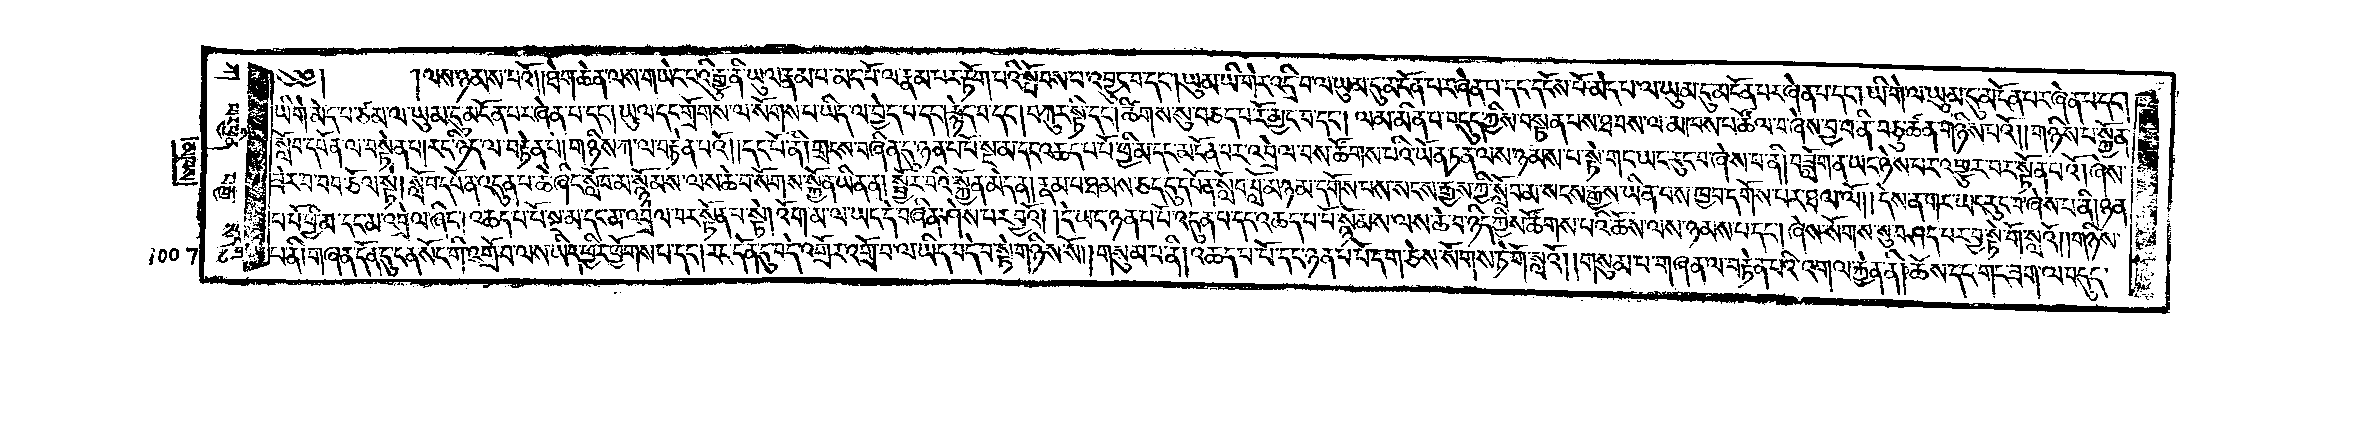༄༅། །ལས་ཉམས་པའོ། །ཐེག་ཆེན་ལས་གཡེང་བའི་རྒྱུ་ནི་ཡུལ་རྣམ་པ་མང་པོ་ལ་རྣམ་པར་རྟོག་པའི་སྤོབས་པ་འབྱུང་བ་དང་། ཡུམ་ཡི་གེར་འདྲི་བ་ལ་ཡུམ་དུ་མངོན་པར་ཞེན་པ་དང་དངོས་པོ་མེད་པ་ལ་ཡུམ་དུ་མངོན་པར་ཞེན་པ་དང་། ཡི་གེ་ལ་ཡུམ་དུ་མངོན་པར་ཞེན་པ་དང་།
ཡི་གེ་མེད་པ་ཙམ་ལ་ཡུམ་དུ་མངོན་པར་ཞེན་པ་དང་། ཡུལ་དང་གྲོགས་ལ་སོགས་པ་ཡིད་ལ་བྱེད་པ་དང་། རྙེད་པ་དང་། བཀུར་སྟི་དང་། ཚིགས་སུ་བཅད་པ་རོ་མྱང་བ་དང་། ལམ་མིན་པ་བདུད་ཀྱིས་བསྟན་པས་ཐབས་ལ་མཁས་པ་ཚོལ་བ་ཞེས་བྱ་བ་ནི་བཅུ་ཚན་གཉིས་པའོ། །གཉིས་པ་སྐྱོན་
སློབ་དཔོན་ལ་བསྟེན་པ། རང་ཉིད་ལ་བརྟེན་པ། གཉིས་ཀ་ལ་བརྟེན་པའོ། །དང་པོ་ནི། གྲངས་བཞིན་དུ་ཉན་པ་པོ་སྔ་མ་དང་འཆད་པ་པོ་ཕྱི་མ་དང་མངོན་པར་འབྲེལ་བས་ཚོགས་པའི་ཡོན་ཏན་ལས་ཉམས་པ་སྟེ་གང་ཡང་རུང་བ་ཞེས་པ་ནི། བཟློག་ན་ཡང་ཉེས་པར་འགྱུར་བར་སྟོན་པའོ། ཞེས་
ཟེར་བ་བབ་ཅོལ་སྟེ། སློབ་དཔོན་འདུན་པ་ཆེ་ཞིང་སློབ་མ་སྙོམས་ལས་ཆེ་བ་སོགས་སྐྱོན་ཡིན་ཡིན་ན། རྣམ་པ་ཐམས་ཅད་དུ་དཔོན་སློབ་བློ་མཉམ་དགོས་པས་སངས་རྒྱས་ཀྱི་སློབ་མ་སངས་རྒྱས་ཡིན་པས་ཁྱབ་དགོས་པར་ཐལ་ལོ། །དེས་ན་གང་ཡང་རུང་བ་ཞེས་པ་ནི། ཉན་
པ་པོ་ཕྱི་མ་དང་མ་འབྲེལ་ཞིང་། འཆད་པ་པོ་སྔ་མ་དང་མ་འབྲེལ་བར་སྟོན་པ་སྟེ། འོག་མ་ལ་ཡང་དེ་བཞིན་ཤེས་པར་བྱའོ། །དེ་ཡང་ཉན་པ་པོ་འདུན་པ་དང་འཆད་པ་པོ་སྙོམས་ལས་ཆེ་བ་ཉིད་ཀྱིས་ཚོགས་པའི་ཆོས་ལས་ཉམས་པ་དང་། ཞེས་སོགས་སུ་བཤད་པར་བྱ་སྟེ་གོ་སླའོ། །གཉིས་
པ་ནི། གཞན་དོན་དུ་ངན་སོང་གི་འགྲོ་བ་ལས་ཡིད་ཕྱིར་ཕྱོགས་པ་དང་། རང་དོན་དུ་བདེ་འགྲོར་འགྲོ་བ་ལ་ཡིད་བདེ་བ་སྟེ་གཉིས་སོ། །གསུམ་པ་ནི། འཆད་པ་པོ་དང་ཉན་པ་པོ་དག་ཅེས་སོགས་ཏེ་གོ་སླའོ། །གསུམ་པ་གཞན་ལ་བརྟེན་པའི་འགལ་རྐྱེན་ནི། ཆོས་དང་གང་ཟག་ལ་བདུད་